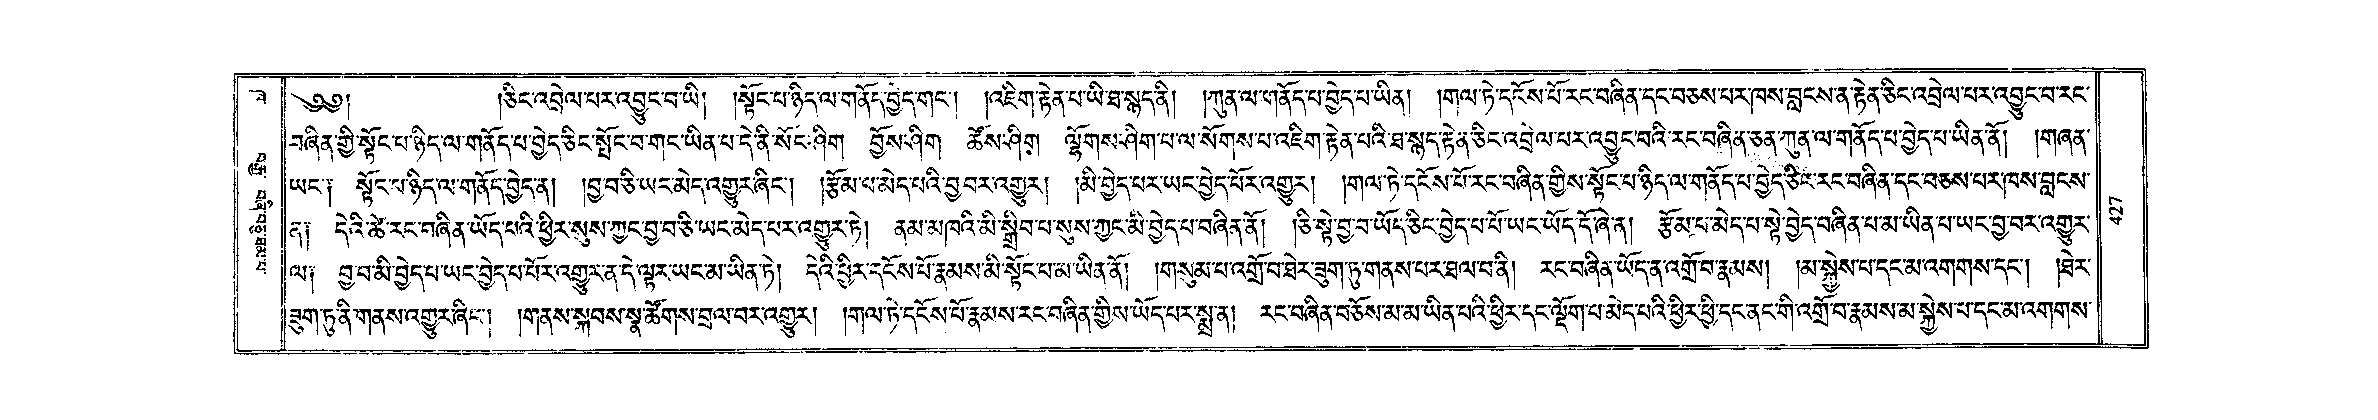༄༅། །ཅིང་འབྲེལ་པར་འབྱུང་བ་ཡི། །སྟོང་པ་ཉིད་ལ་གནོད་བྱེད་གང་། །འཇིག་རྟེན་པ་ཡི་ཐ་སྙད་ནི། །ཀུན་ལ་གནོད་པ་བྱེད་པ་ཡིན། །གལ་ཏེ་དངོས་པོ་རང་བཞིན་དང་བཅས་པར་ཁས་བླངས་ན་རྟེན་ཅིང་འབྲེལ་པར་འབྱུང་བ་རང་
བཞིན་གྱི་སྟོང་པ་ཉིད་ལ་གནོད་པ་བྱེད་ཅིང་སྤོང་བ་གང་ཡིན་པ་དེ་ནི་སོང་ཤིག་བྱོས་ཤིག་ཚོས་ཤིག་ལྷོགས་ཤིག་པ་ལ་སོགས་པ་འཇིག་རྟེན་པའི་ཐ་སྙད་རྟེན་ཅིང་འབྲེལ་པར་འབྱུང་བའི་རང་བཞིན་ཅན་ཀུན་ལ་གནོད་པ་བྱེད་པ་ཡིན་ནོ། །གཞན་
ཡང༑ སྟོང་པ་ཉིད་ལ་གནོད་བྱེད་ན། །བྱ་བ་ཅི་ཡང་མེད་འགྱུར་ཞིང་། །རྩོམ་པ་མེད་པའི་བྱ་བར་འགྱུར། །མི་བྱེད་པར་ཡང་བྱེད་པོར་འགྱུར། །གལ་ཏེ་དངོས་པོ་རང་བཞིན་གྱིས་སྟོང་པ་ཉིད་ལ་གནོད་པ་བྱེད་ཅིང་རང་བཞིན་དང་བཅས་པར་ཁས་བླངས་
ན༑ དེའི་ཚེ་རང་བཞིན་ཡོད་པའི་ཕྱིར་སུས་ཀྱང་བྱ་བ་ཅི་ཡང་མེད་པར་འགྱུར་ཏེ། ནམ་མཁའི་མི་སྒྲིབ་པ་སུས་ཀྱང་མི་བྱེད་པ་བཞིན་ནོ། །ཅི་སྟེ་བྱ་བ་ཡོད་ཅིང་བྱེད་པ་པོ་ཡང་ཡོད་དོ་ཞེ་ན། རྩོམ་པ་མེད་པ་སྟེ་བྱེད་བཞིན་པ་མ་ཡིན་པ་ཡང་བྱ་བར་འགྱུར་
ལ༑ བྱ་བ་མི་བྱེད་པ་ཡང་བྱེད་པ་པོར་འགྱུར་ན་དེ་ལྟར་ཡང་མ་ཡིན་ཏེ། དེའི་ཕྱིར་དངོས་པོ་རྣམས་མི་སྟོང་པ་མ་ཡིན་ནོ། །གསུམ་པ་འགྲོ་བ་ཐེར་ཟུག་ཏུ་གནས་པར་ཐལ་བ་ནི། རང་བཞིན་ཡོད་ན་འགྲོ་བ་རྣམས། །མ་སྐྱེས་པ་དང་མ་འགགས་དང་། །ཐེར་
ཟུག་ཏུ་ནི་གནས་འགྱུར་ཞིང་། །གནས་སྐབས་སྣ་ཚོགས་བྲལ་བར་འགྱུར། །གལ་ཏེ་དངོས་པོ་རྣམས་རང་བཞིན་གྱིས་ཡོད་པར་སྨྲ་ན། རང་བཞིན་བཅོས་མ་མ་ཡིན་པའི་ཕྱིར་དང་ལྡོག་པ་མེད་པའི་ཕྱིར་ཕྱི་དང་ནང་གི་འགྲོ་བ་རྣམས་མ་སྐྱེས་པ་དང་མ་འགགས་